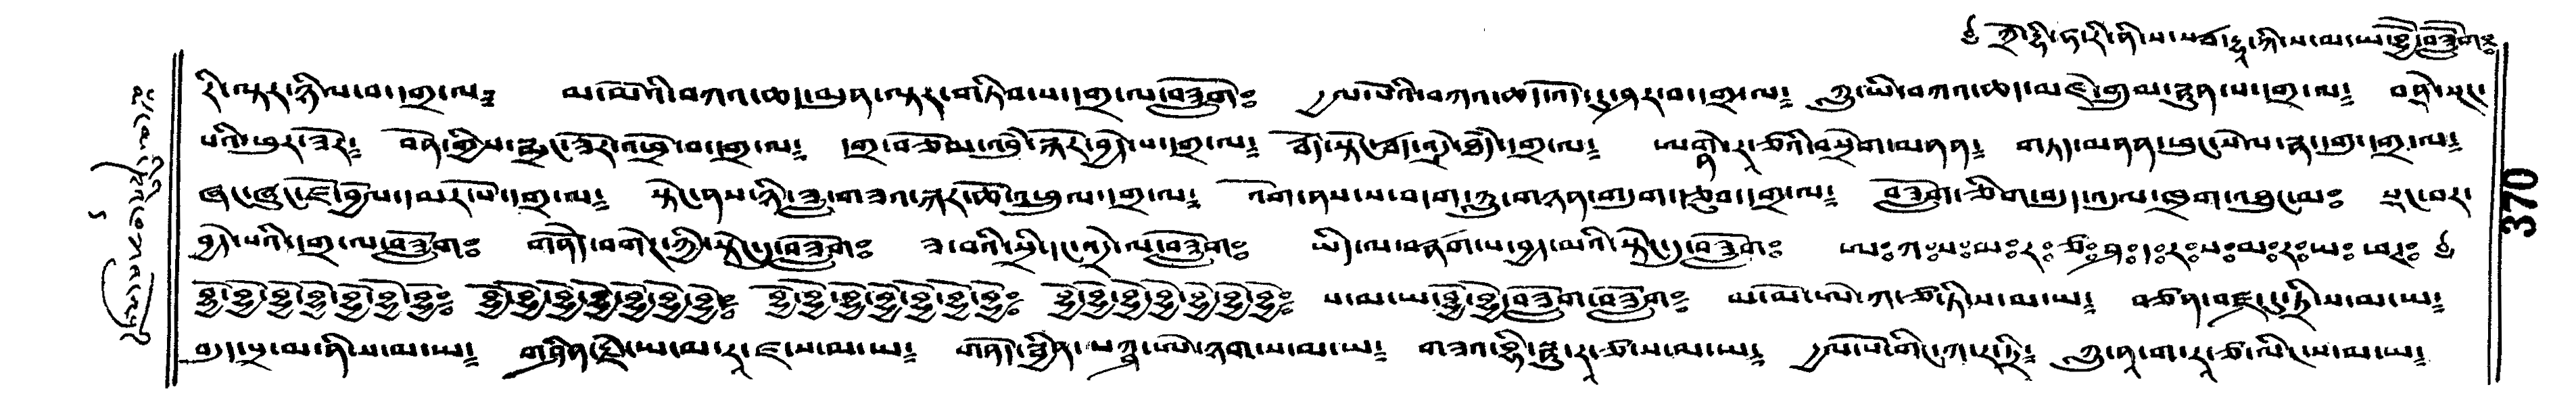རི་ལྟར་ཉིལ་བ་དགྲ་ལ༴ མ་མོའི་བཀའ་ཆད་མུན་ལྟར་གཏིབ་པ་དགྲ་ལ༴ རྒྱལ་པོའི་བཀའ་ཆད་འོད་དུ་ཤར་བ་དགྲ་ལ༴ ཀླུ་ཡི་བཀའ་ཆད་མཛེ་གྲུམ་སྣུན་པ་དགྲ་ལ༴ བནྡེ་སྔགས་
པའི་ཕུར་ཟེར༴ བོན་གྱིས་སྨྲང་ཟེར་འཕྲོ་བ་དགྲ་ལ༴ དགྲ་བཅོམ་འབུམ་སྐོར་བྱེད་པ་དགྲ་ལ༴ རྦོད་སྟོང་རྦད་འདྲེ་ཐམས་ཅད་དགྲ་ལ༴ ཨགྣེ་རཱ་ཙའི་བསྲེག་མནན༴གཏད་མནན་ཕུང་སེལ་སྣ་དགུ་དགྲ་ལ༴ 
ཞང་ཞུང་ཛོ་བྱོལ་དམར་པོ་དགྲ་ལ༴ སྟེང་ནས་ཉི་ཟླ་གཟའ་་སྐར་ཆོ་འཕྲུལ་དགྲ་ལ༴ འོག་ནས་ས་བདག་ཀླུ་གཉན་གདུག་རྩུབ་དགྲ་ལ༴ བཟློག་ཅིག་བདུད་འདུལ་ཁྲག་འཐུང་མ༔ སྡང་བར་
བྱེད་པའི་དགྲ་ལ་བཟློག༔ གནོད་བྱེད་བགེགས་ཀྱི་སྟེང་དུ་བཟློག༔ ཟ་བའི་སྲི་དང་འདྲེ་ལ་བཟློག༔ ཡིད་ལ་བརྣག་པ་བྱད་མའི་སྟེང་དུ་བཟློགཿ ཨཿཀཿསཿམཿརཿཙཿཤཿདཿརཿསཿམཿརཿཡཿཕཊཿ 
ཀྲོ་དྷི་ཧ་རི་ནི་ས་སརྦ་དྷཱ་ཀི་ས་མ་ཡ་བྷྱོ་བྷྱོ་བཟློག་བཟློག༔ བྷྱོ་བྷྱོ་བྷྱོ་བྷྱོ་བྷྱོ་བྷྱོ་བྷྱོ༔ བྷྱོ་བྷྱོ་བྷྱོ་བྷྱོ་བྷྱོ་བྷྱོ་བྷྱོ༔ བྷྱོ་བྷྱོ་བྷྱོ་བྷྱོ་བྷྱོ་བྷྱོ་བྷྱོ༔ བྷྱོ་བྷྱོ་བྷྱོ་བྷྱོ་བྷྱོ་བྷྱོ་བྷྱོ༔ ས་མ་ཡ་བྷྱོ་བྷྱོ་བཟློག་བཟློག༔ མ་མོ་ཨེ་ཀ་ཙ་ཏི་ས་མ་ཡ༴ བཙན་བཛྲ་དུ་ཏྲི་ས་མ་ཡ༴ 
བདུད་པྲ་མ་ནི་ས་མ་ཡ༴ གཤིན་རྗེ་ཡ་མཱ་ར་ཛ་ས་མ་ཡ༴ གནོད་སྦྱིན་པཀྴ་ཨེ་ཉག་ས་མ་ཡ༴ གཟའ་བྷིསྣུ་རཱ་ཙ་ས་མ་ཡ༴ རྒྱལ་པོ་གིང་ཀ་ར་ཏྲི༴ ཀླུ་ནཱ་ག་རཱ་ཙ་ལིང་ས་མ་ཡ༴